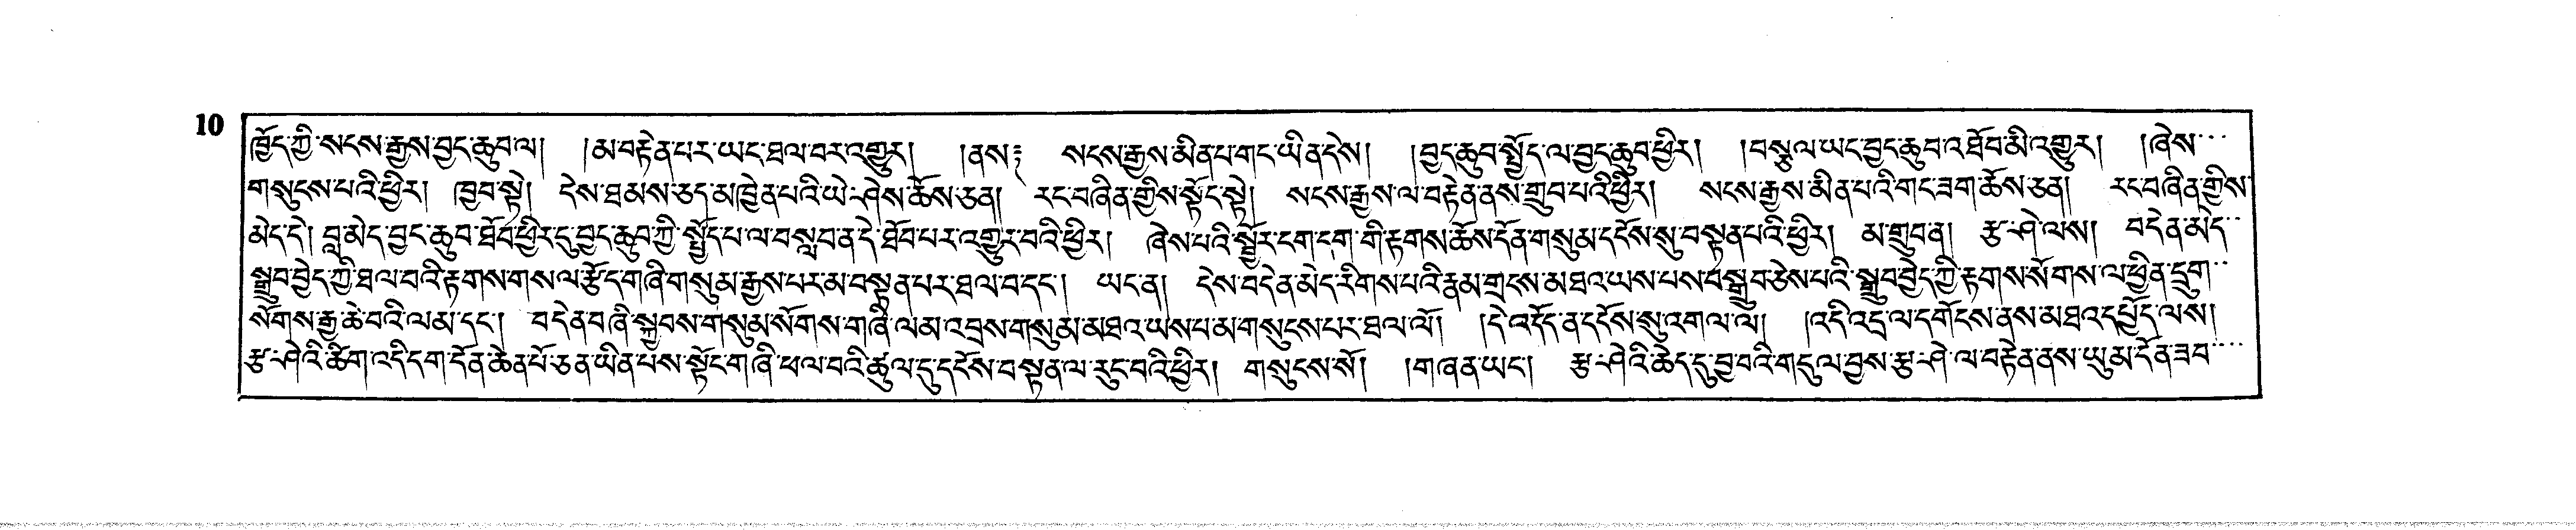ཁྱོད་ཀྱི་སངས་རྒྱས་བྱང་ཆུབ་ལ། །མ་བརྟེན་པར་ཡང་ཐལ་བར་འགྱུར། །ནས༑ སངས་རྒྱས་མིན་པ་གང་ཡིན་དེས། །བྱང་ཆུབ་སྤྱོད་ལ་བྱང་ཆུབ་ཕྱིར། །བསྩལ་ཡང་བྱང་ཆུབ་འཐོབ་མི་འགྱུར། །ཞེས་
གསུངས་པའི་ཕྱིར། ཁྱབ་སྟེ། དེས་ཐམས་ཅད་མཁྱེན་པའི་ཡེ་ཤེས་ཆོས་ཅན། རང་བཞིན་གྱིས་སྟོང་སྟེ། སངས་རྒྱས་ལ་བརྟེན་ནས་གྲུབ་པའི་ཕྱིར། སངས་རྒྱས་མིན་པའི་གང་ཟག་ཆོས་ཅན། རང་བཞིན་གྱིས་
མེད་དེ། བླ་མེད་བྱང་ཆུབ་ཐོབ་ཕྱིར་དུ་བྱང་ཆུབ་ཀྱི་སྤྱོད་པ་ལ་བསླབ་ན་དེ་ཐོབ་པར་འགྱུར་བའི་ཕྱིར། ཞེས་པའི་སྦྱོར་ངག་དག་གི་རྟགས་ཆོས་དོན་གསུམ་དངོས་སུ་བསྟན་པའི་ཕྱིར། མ་གྲུབ་ན། རྩ་ཤེ་ལས། བདེན་མེད་
སྒྲུབ་བྱེད་ཀྱི་ཐལ་བའི་རྟགས་གསལ་རྩོད་གཞི་གསུམ་རྒྱས་པར་མ་བསྟན་པར་ཐལ་བ་དང་། ཡང་ན། དེས་བདེན་མེད་རིགས་པའི་རྣམ་གྲངས་མཐའ་ཡས་པས་བསྒྲུབ་ཅེས་པའི་སྒྲུབ་བྱེད་ཀྱི་རྟགས་སོགས་ལ་ཕྱིན་དྲུག་
སོགས་རྒྱ་ཆེ་པའི་ལམ་དང་། བདེ་བཞི་སྐྱབས་གསུམ་སོགས་གཞི་ལམ་འབྲས་གསུམ་མཐའ་ཡས་པ་མ་གསུངས་པར་ཐལ་ལོ། །དེ་འདོད་ན་དངོས་སུ་འགལ་ལ། །འདི་འདྲ་ལ་དགོངས་ནས་མཐའ་དཔྱོད་ལས།
རྩ་ཤེའི་ཚིག་འདི་དག་དོན་ཆེན་པོ་ཅན་ཡིན་པས་སྟོང་གཞི་ཕལ་བའི་ཚུལ་དུ་དངོས་བསྟན་ལ་རུང་བའི་ཕྱིར། གསུངས་སོ། །གཞན་ཡང་། རྩ་ཤེའི་ཆེད་དུ་བྱ་བའི་གདུལ་བྱས་རྩ་ཤེ་ལ་བརྟེན་ནས་ཡུམ་དོན་ཟབ་